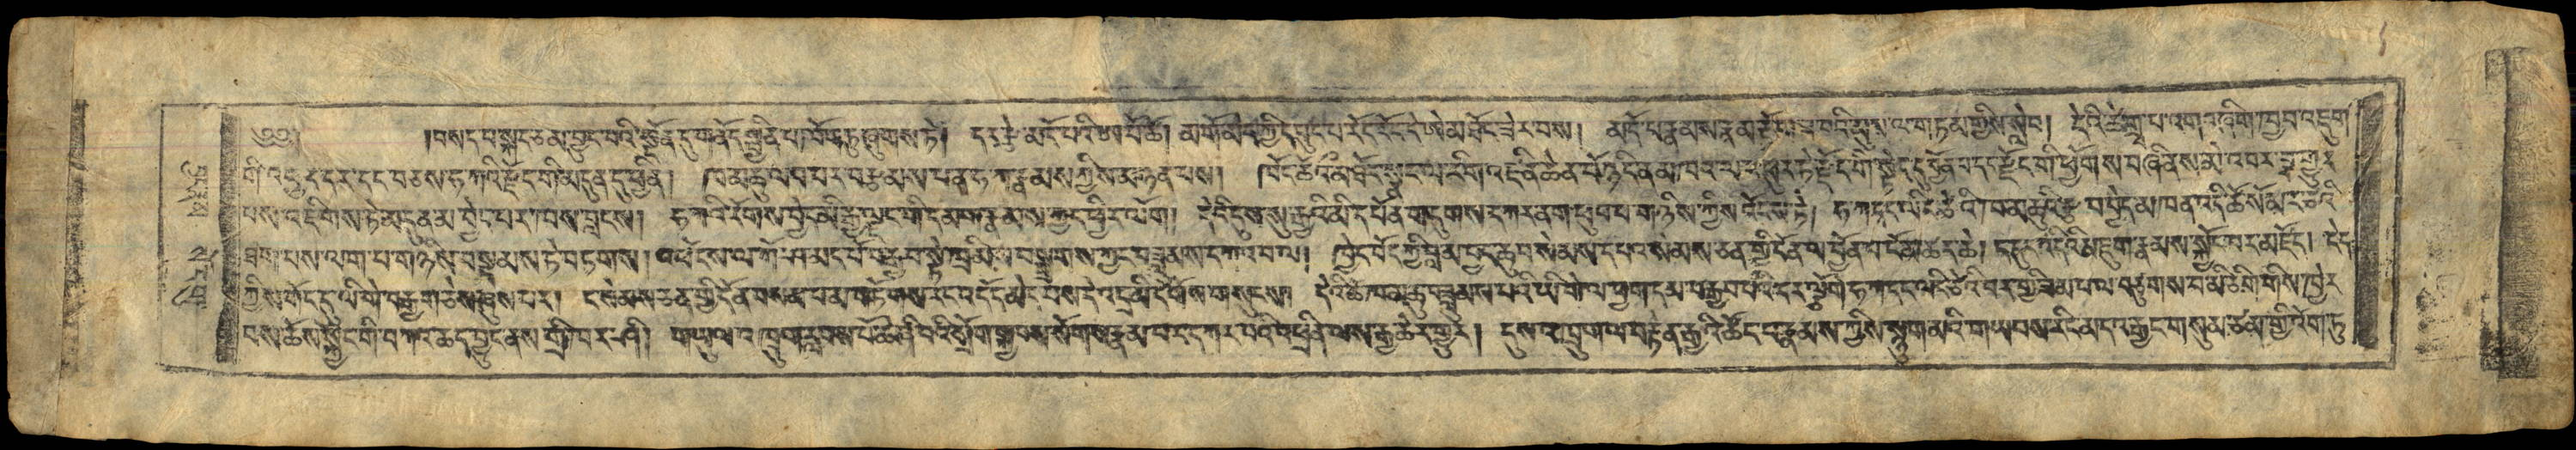༄༅། །བསད་བ་སྐད་ཅམ་བྱུང་བའི་སྔོན་དུ་གནོད་སྦྱིན་པ་ཁོག་ཏུ་ཞུགས་ཏེ། དར་རྩེ་མདོ་པའི་ཨ་བོ་ཆོ། མགོ་མེད་ཀྱི་དཔུང་པ་རོང་རོང་དེ་ཨེ་མ་ཐོང་ཟེར་བས། མདོ་པ་རྣམས་རྣམ་རྟོག་ཟ་བའི་མུས་ལ་གཏམ་གྱིས་སླེབ། དེའི་ཚེ་གྲྭ་བ་འགའ་ཞིག་ཁྱབ་འཇུག་
གི་འཕྱར་དར་ངང་བཅས་ཧ་ཀའི་རྫོང་གི་མདུན་དུ་ཕྱིན། ཁ་མཆུ་ལབ་པར་བརྩམས་པ་ན་ཧ་ཀ་རྣམས་ཀྱིས་མཉན་པས། ཁོང་ཚོཨཱྀ་མཐོང་སྣང་ལ་རིག་འཛིན་ཆེན་པོ་ཉིད་ན་མཁའ་ལ་འཕུར་ཏེ་རྫོང་གི་སྟེང་དུ་བྱོན་པ་དང་རྫོང་གི་ཕྱོགས་བཞི་ནས་མེ་འབར་སྣ་གྱུར་
པས་འཇིགས་ཏེ་མདུན་མ་བྱེད་པར་ཁས་བླངས། ཧ་ཀའི་རོགས་བྱེད་མི་རྒྱ་ལྗང་གི་དམག་རྣམས་ཀྱང་ཕྱིར་ལོག༑ དེའི་དུས་སུ་རྒྱའི་མི་དཔོན་གདུགས་དཀར་ནག་ཕུབ་པ་གཉིས་ཀྱིས་འོངས་ཏེ། ཧ་ཀ་དང་ལིང་ཙེའི་ཁ་མཆུའི་རྩ་བ་བྱེད་མཁན་འདི་ཆོ་སོ་མར་ཙའི་
ཐག་པས་ལག་པ་གཉིས་བསྡམས་ཏེ་བཏགས། འཕོངས་ལ་ཀོ་ཤ་མང་པོ་བརྒྱབ་སྟེ་ཁྲིམས་བསྒྲགས་ཀྱང་བཟླུམས་དཀའ་བ་ལ། ཁྱེད་བོད་ཀྱི་བླ་མ་བྱང་ཆུབ་སེམས་དཔའ་སེམས་ཅན་གྱི་དོན་ལ་བྱོན་པ་ངོ་མཚར་ཆེ། ད་དུང་འདིའི་མཇུག་རྣམས་སྐྱོང་བར་མཛད། ངེད་
ཀྱིས་གོང་དུ་ཡི་གེ་བརྒྱག་ཅེས་ཞུས་པར། ང་སེམས་ཅན་གྱི་དོན་བསམ་པ་མ་གཏོགས་རང་འདོད་མེད་པས་དེ་འདྲ་མི་དགོས་གསུངས། དེའི་ཚེ་ཁ་མཆུ་བཟླུམས་པའི་ཡི་གེ་ལ་ཕྱག་དམ་བརྒྱབ་པའི་དར་ལྕོག་ཧ་ཀ་དང་ལིང་ཙེའི་བར་གྱི་ཟམ་པ་ལ་བཙུགས་པ་མི་ཅིག་གིས་ཁྱེར་
བས་ཆོས་སྐྱོང་གི་བཀའ་ཆད་བྱུང་ནས་གྲི་ཁར་ཤི། གཡུལ་འཁྲུག་རླབས་པོ་ཆེ་ཞི་བའི་སྲོག་སྐྱབས་སོགས་རྣམ་པར་དཀར་བའི་འཕྲིན་ལས་རྒྱ་ཆེར་གྱུར། དུས་འཁྲུག་ལ་བརྟེན་རྒྱའི་ཚོད་པ་རྣམས་ཀྱིས་སྙུག་མའི་གཡབས་རིང་མདའ་རྒྱང་གསུམ་ཙམ་གྱི་འོག་ཏུ་